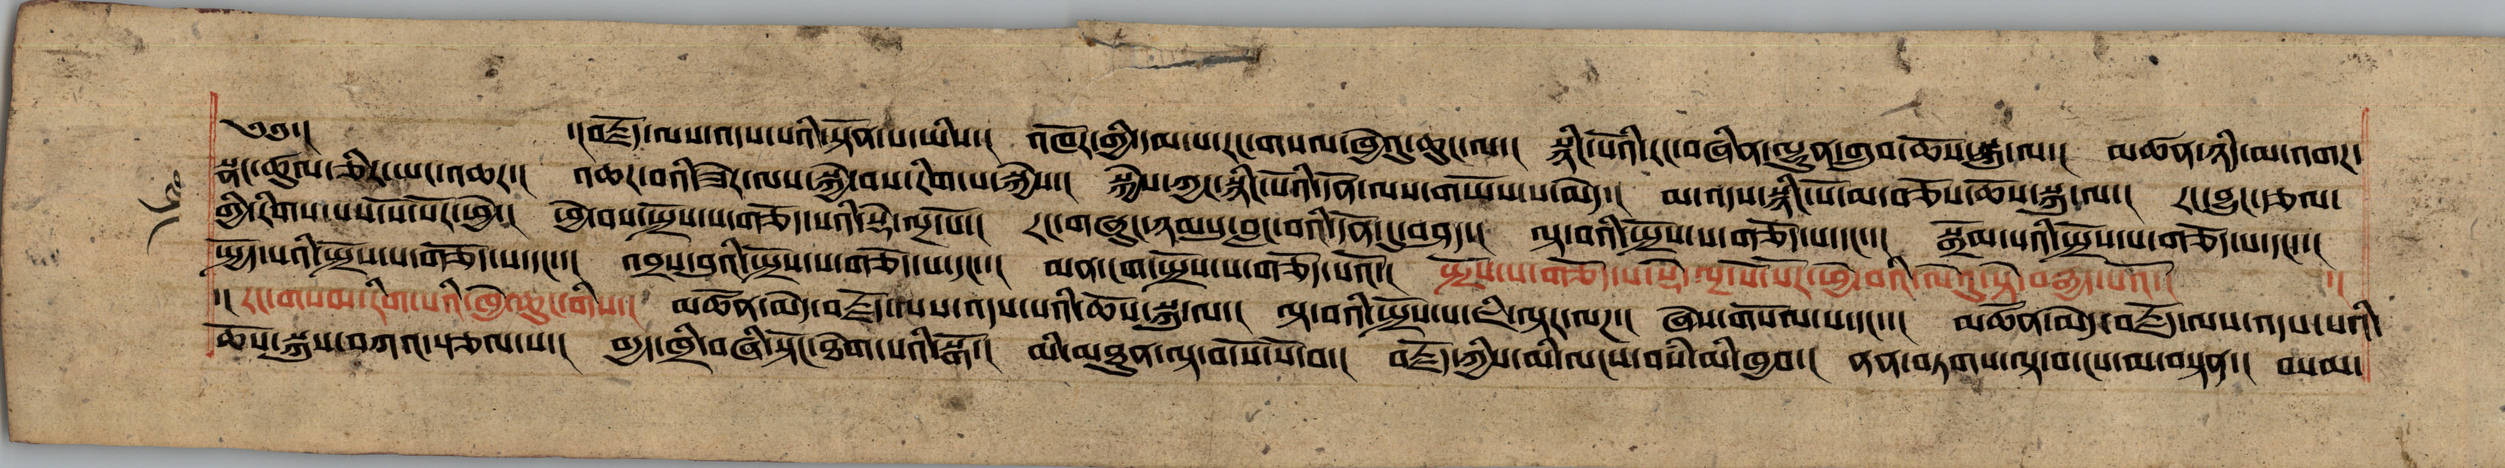༄༅་། ་།་བརྗོད་ལས་འདས་པའི་སྟོན་པ་ཡིས་། འཁོར་གྱི་དམ་པ་རང་གསལ་ཁྱེའུ་ཆུང་ལ་། སྙིང་པོའི་རང་བཞིན་ལྷུན་གྲུབ་ཆོས་སྐུ་ལ་། མཚན་ཉིད་མ་འགཌ་
སྣང་ཚུལ་ཅིར་ཡང་འཆར་། འཆར་བའི་ཟེར་ལས་སྐྱེ་བས་རིག་པ་སྐྱེས་། སྐྱེས་ཀྱང་སྙིང་པོའི་དོན་ལས་གཡོས་པ་མེད་། མ་འདས་སྙིང་པོ་མ་བཅོས་ཆོས་སྐུ་ལ་། རང་བྱུང་རྩལ་
གྱི་རིགས་པས་སོ་སོར་ཕྱེ་། ཕྱེ་བས་སྤྲོས་པ་གཅོད་པའི་སྡེ་ལྔ་པོ་། རང་གཞུང་ཉམསུ་བླང་བའི་དོན་དུ་བཤད་། ལྟ་བའི་སྤྲོས་པ་གཅོད་པ་དང་་། སྒྲོམ་པའི་སྤྲོས་པ་གཅོད་པ་དང་་།
སྤྱོད་པའི་སྤྲོས་པ་གཅོད་པ་དང་་། འབྲས་བུའི་སྤྲོས་པ་གཅོད་པ་དང་་། མན་ངག་སྤྲོས་པ་གཅོད་པའོ་། སྤྲོས་པ་གཅོད་པ་སྟེ་ལྔ་སོ་སོར་ཕྱེ་བའི་ལེའུ་སྟེ་བརྒྱད་པའོ་། ་།
་།རང་གསལ་རིག་པའི་ཁྱེ་ཆུང་གིས་། མཚོན་མེད་བརྗོད་ལས་འདས་པའི་ཆོས་སྐུ་ལ་། ལྟ་བའི་སྤྲོས་པ་ཇི་ལྟར་ལཌ་། ཞེས་གསོལ་པ་དང་་། མཚོན་མེད་བརྗོད་ལས་འདས་པའི་
ཆོས་སྐུས་བཀའ་རྩལ་པ་། བདྱད་ཁྲི་བཞི་སྟོང་ཐེག་པའི་སྒོ་། མི་མཐུན་ལྟ་བ་སོ་སོ་བ་། བརྗོད་ཀྱིས་མི་ལངས་བསཾ་མི་ཁྱབ་། ནན་བཏགས་ལྟ་བ་ངས་མ་བསྟན་། བསམ་